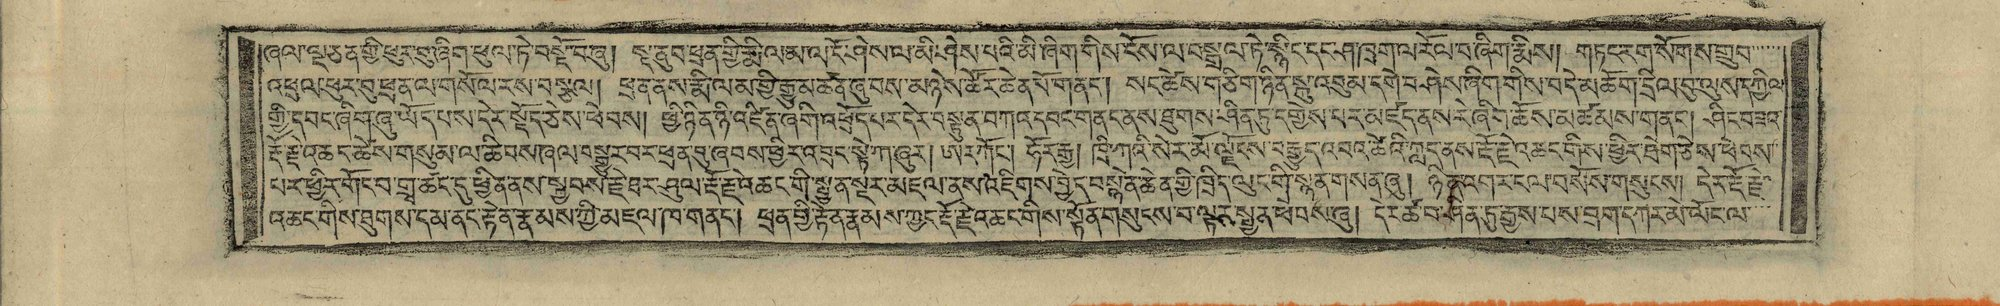ཞལ་ལྔ་ཅན་གྱི་ཕུར་བུ་ཞིག་ཕུལ་ཏེ་བསྔོ་བ་ཞུ། སྔ་ནུབ་ཕྲན་གྱི་རྨི་ལམ་ལ་ངོ་ཤེས་ལ་མི་ཤེས་པའི་མི་ཞིག་གིས་ངོས་ལ་བསྒྲལ་ཏེ་སྙིང་དང་ཤ་ཁྲག་ལ་རོལ་བ་ཞིག་རྨིས། གཏང་རག་སོགས་གྲུབ་
འཕྲལ་ཕུར་བུ་ཕྲན་ལ་གསོལ་རས་བསྩལ། ཕྲན་ནས་རྨི་ལམ་གྱི་རྒྱུ་མཚན་ཞུ་བས་མཉེས་ཚོར་ཆེན་པོ་གནང་། སང་ཚེས་གཅིག་ཉིན་སྐུ་འབུམ་དགེ་བཤེས་ཞིག་གིས་བདེ་མཆོག་དྲིལ་བུ་ལུས་དཀྱིལ་
གྱི་དབང་ཞིག་ཞུ་ཡོད་པས་དེར་སྡོད་ཅེས་ཕེབས། ཕྱི་ཉིན་ཉི་འཛིན་ཞིག་འཕྲོད་པར་དེར་བསྟུན་བཀའ་དབང་གནང་ནས་ཐུགས་ཤིན་ཏུ་དགྱེས་པར་མཛད་ནས་རེ་ཞིག་ཆོས་མཚམས་གནང་། ཤིང་བཟའ་
རྡོ་རྗེ་འཆང་ཚེས་གསུམ་ལ་ཆིབས་ཞལ་བསྒྱུར་བར་ཕྲན་བུ་ཞབས་ཕྱིར་འབྲང་སྟེ་ཀ་ཞུར། ཨར་ཀོང་། ཧོར་རྒྱ། ཁྲི་ཀའི་སེར་མོ་ལྗོངས་བརྒྱུད་འབའ་ཚེའི་ཀླད་ནས་རྡོ་རྗེ་འཆང་གིས་ཕྱིར་ཐེག་ཅེས་ཕེབས་
པར་ཕྱིར་གོང་བ་གྲྭ་ཚང་དུ་ཕྱིན་ནས་སྐྱབས་རྡོ་རྗེ་ཐར་ཤུལ་རྡོ་རྗེ་འཆང་གི་སྤྱན་སྔར་མཇལ་ནས་འཇིགས་བྱེད་བསྙེན་ཆེན་གྱི་ཁྲིད་ལུང་གི་སྙན་གསན་ཞུ། ཉིན་འགར་ངལ་བསོས་གསུངས། དེར་རྡོ་རྗེ་
འཆང་གིས་ཐུགས་དམ་ནང་རྟེན་རྣམས་ཀྱི་མཇལ་ཁ་གནང་། ཕྲན་གྱི་རྟེན་རྣམས་ཀྱང་རྡོ་རྗེ་འཆང་གིས་སྟོན་གསུངས་པ་ལྟར་སྤྱན་ཕེབས་ཞུ། དེར་ཚ་བ་ཤིན་ཏུ་རྒྱས་པས་བྲག་དཀར་མེ་ལོང་ལ་